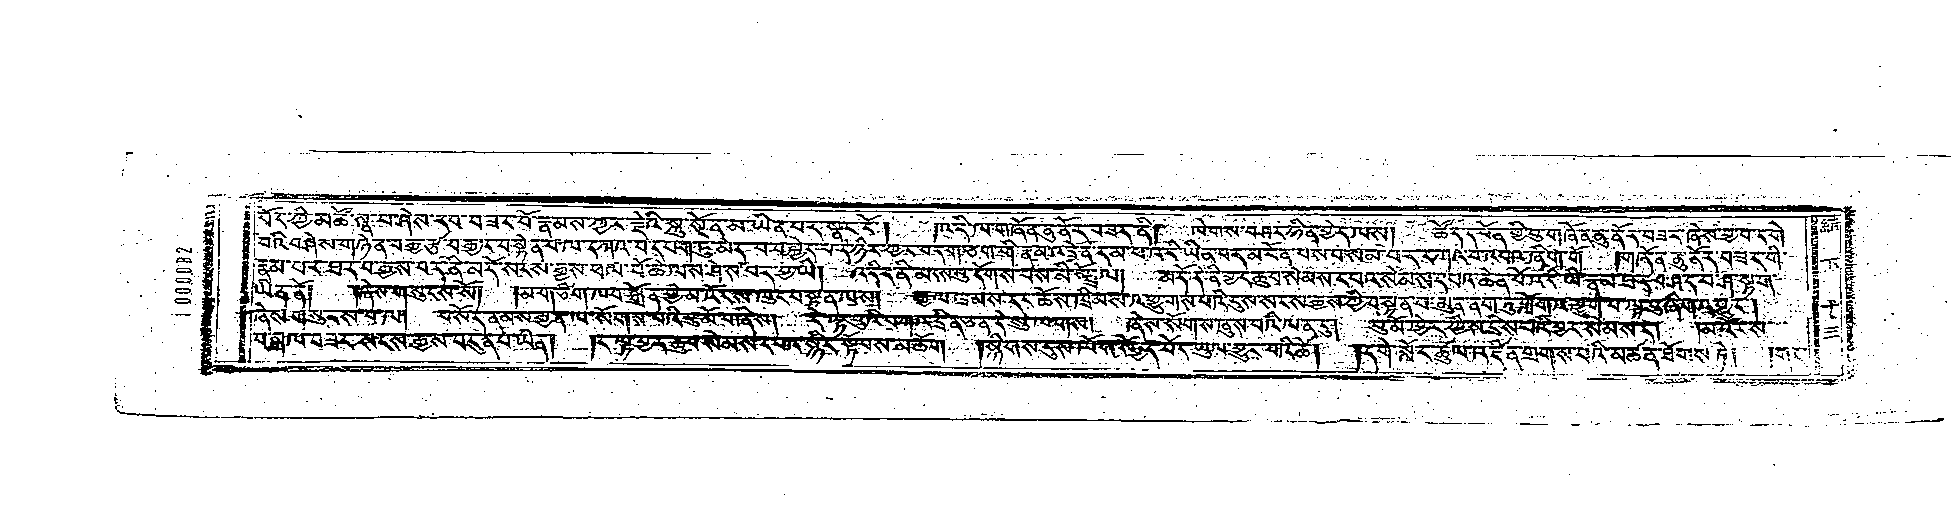བོད་ཀྱི་མཚོ་སྣ་པ་ཤེས་རབ་བཟང་པོ་རྣམས་ཀྱང་རྗེའི་སྐུ་སྔོན་མ་ཡིན་པར་སྣང་ངོ། །འདི་ལ་གཞོན་ནུ་ནོར་བཟང་ནི། ལེགས་བཤད་ཉིན་བྱེད་ལས། ཚོང་དཔོན་གྱི་བུ་གཞོན་ནུ་ནོར་བཟང་ཞེས་བྱ་བ་དགེ་
བའི་བཤེས་གཉེན་བརྒྱ་རྩ་བརྒྱད་བསྟེན་པ་ལ་དཀའ་བ་དཔག་ཏུ་མེད་པ་བསྐྱེད་པ་དེ་ཉིད་ཀྱང་བདག་ཅག་གི་རྣམ་འདྲེན་དམ་པ་འདི་ཡིན་བར་མངོན་པས་བསམ་པར་དཀའ་བ་འབའ་ཞིག་གོ །གཞོན་ནུ་ནོར་བཟང་གི་
རྣམ་པར་ཐར་པ་རྒྱས་པར་ནི་མདོ་སངས་རྒྱས་ཕལ་པོ་ཆེ་ལས་ཤེས་བར་བྱ་ཡི། འདིར་ནི་མངས་སུ་དོགས་པས་མི་སྤྲོ་ལ། མདོ་དེ་ནི་བྱང་ཆུབ་སེམས་དཔའ་སེམས་དཔའ་ཆེན་པོ་འདི་ཡི་རྣམ་ཐར་བཤད་པ་ཤ་སྟག་
ཡིན་ནོ། །ཞེས་གསུངས་སོ། །མ་གཅིག་ལབ་སྒྲོན་གྱི་མ་འོངས་ཁུང་བསྟན་ལས། རྒྱལ་ཁྲིམས་དང་ཆོས་ཁྲིམས་འཕྱུགས་པའི་དུས་སངས་རྒྱས་ཀྱི་བསྟན་པ་མུན་ནག་ཏུ་གློག་འཁྱུག་པ་ལྟ་བུ་ཞིག་འབྱུང་།
ཞེས་གསུངས་བ་ལ། བསོད་ནམས་རྒྱན་ལ་སོགས་པའི་བུ་མོ་བཞིས། དེ་ལྟ་བུའི་བཀའ་དྲིན་ཅན་དེ་སུ་ལགས། ཞེས་སོགས་ཞུས་པའི་ལན་དུ། བུ་མོ་ཁྱེད་ཀྱིས་དྲིས་པའི་བྱང་སེམས་དེ། །མ་འོངས་
བསྐལ་བཟང་སངས་རྒྱས་བདུན་པ་ཡིན། །ད་ལྟ་བྱང་ཆུབ་སེམས་དཔའ་སྙིང་སྟོབས་མཆོག །སྙིགས་དུས་ཁོག་སྤྱོད་བོད་ཡུལ་བྱུང་བའི་ཚེ། །དགེ་སློང་ཚུལ་འཛིན་གྲགས་པའི་མཚན་ཐོགས་ཏེ། །གང་